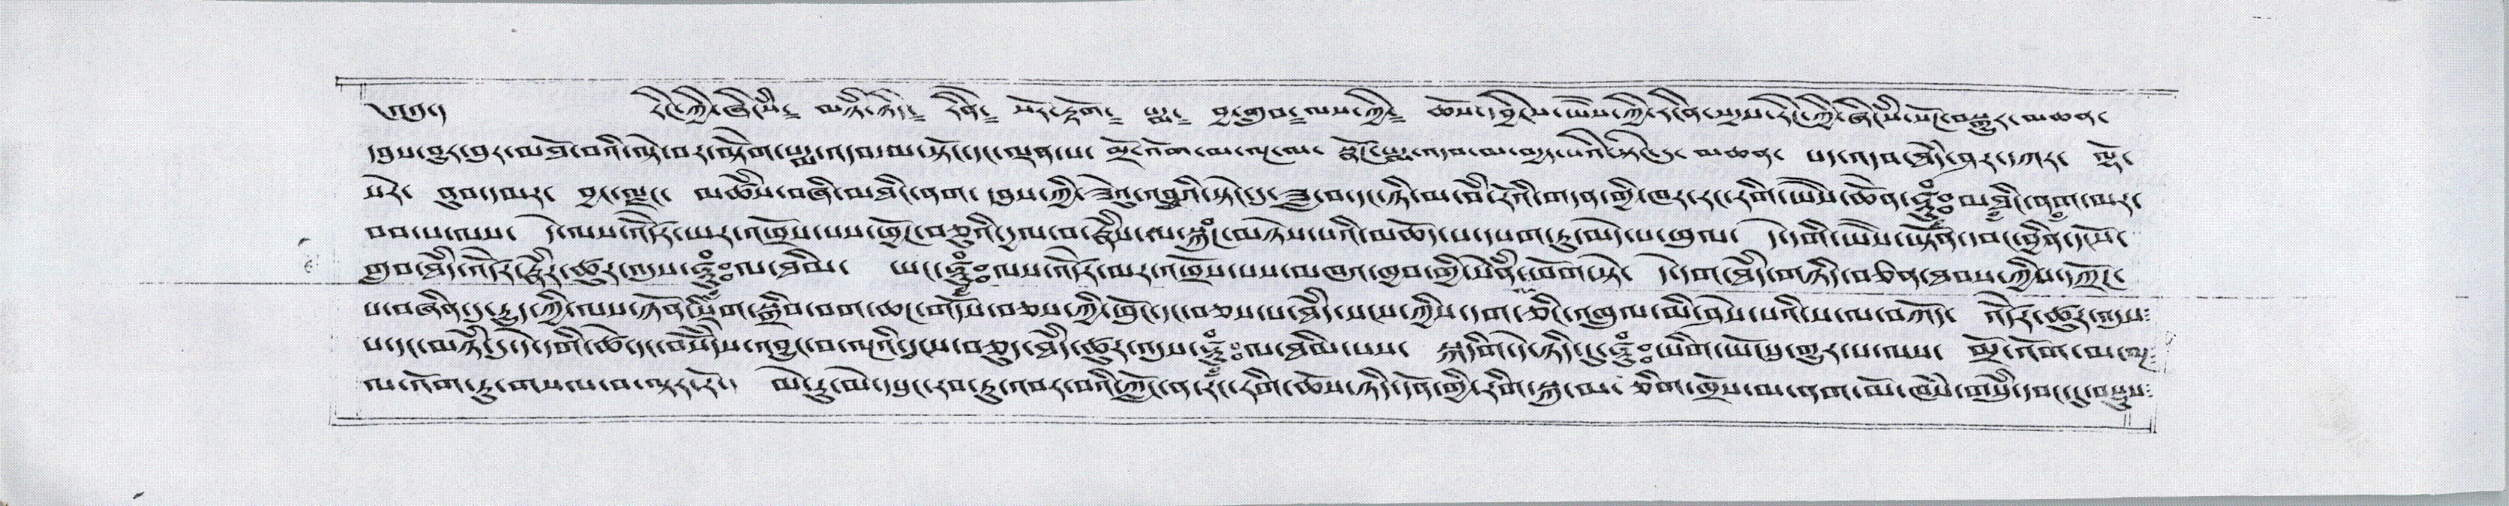རིགས་ཀྱི་ཞིང་ཁམས། མཉམ་ཉིད། རིན་ཆེན། སོར་རྟོགས། པདྨ། བྱ་གྲུབ། ལས་ཀྱི། ཆོས་དབྱིངས་ཡེ་ཤེས་ཀྱི་རང་བཞིན་སངས་རྒྱས་རིགས་ཀྱི་ཞིང་ཁམས་སོགས་བསྒྱུར། མཆན།༽
དབུས་བྱུར་བུར་མཐོ་བའི་ལྟེ་བར་མེ་ཏོག་པདྨ་འདབ་མ་སྟོང་དང་ལྡན་པ།༼མཁའ་འགྲོ་འོག་མ་ལྔ་ལ། སྣ་ཚོགས་པདྨ་འདབ་མ་བརྒྱད་པའི་སྟེང་དུ་མཆན།༽པད་འདབ་ཐམས་ཅད། ཤར་དཀར། ལྷོ་
སེར། ནུབ་དམར། བྱང་ལྗང་། མཚམས་བཞི་མཐིང་ནག་དབུས་ཀྱི་ཟེའུ་འབྲུའི་སྟེང་དུ་ཟླ་བ་དང་ཉི་མ་བམ་རོའི་གདན་གྱི་ཁར་རང་རིག་ཡེ་ཤེས་ཆེན་པོ་ཧཱུཾཿམཐིང་ནག་མར་
བབས་པ་ལས། དེ་ལས་འོད་ཟེར་ཡར་འཕྲོས་པས་ཕྱོགས་བཅུའི་རྒྱལ་བ་སྐུ་གསུང་ཐུགས་མཉེས་པའི་མཆོད་པ་དཔག་ཏུ་མེད་པ་ཕུལ། དེ་དག་གི་ཡེ་ཤེས་ཡོན་ཏན་དབང་བྱིན་དངོས་
གྲུབ་ཐམས་ཅད་འོད་ཟེར་རྣམ་པར་ཚུར་འདུས་ཧཱུཾ་ལ་ཐིམ། ཡང་ཧཱུཾ་ལས་འོད་ཟེར་མར་འཕྲོས་པས་མཁའ་ཁྱབ་ཀྱི་སེམས་ཅན་ལ་ཕོག་སྟེ། དེ་དག་ཐམས་ཅད་གཉིད་བཙན་ཐབས་ཀྱིས་དཀྲོགས་
པ་བཞིན་དུ་རྒྱུད་ཀྱི་ལས་ཉོན་སྡིག་སྒྲིབ་བག་ཆགས་གདོས་བཅས་ཀྱི་ཕུང་པོ་དང་བཅས་པ་ཐམས་ཅད་སངས་ཀྱིས་དག་ཅིང་འཁྲུལ་མི་ཤེས་པའི་ས་ལ་བཀོད། འོད་ཟེར་ཚུར་འདུས་
པ་དང་མཉམ་དུ་དེ་དག་གི་ཚེ་དང་བསོད་ནམས་འབྱུང་བ་ལྔ་ཡི་དྭངས་བཅུད་ཐམས་ཅད་ཚུར་འདུས་ཧཱུཾ་ལ་ཐིམ་པས། སྐད་ཅིག་དེ་ཉིད་དུ་ཧཱུཾ་ཡིག་ཡོངས་སུ་གྱུར་པ་ལས། མཁའ་འགྲོ་འོག་མ་ལྔ་
ལ་འོག་ཏུ་གསལ་བ་ལྟར་རོ། མེ་རུ་མེ་དཔུང་རབ་ཏུ་འབར་བའི་ཀློང་ན་རང་རིག་ཆོས་ཉིད་དོན་གྱི་རིག་སྐུ་མ་ཅིག་ཁྲོས་མ་ནག་མོ་ཁམས་གསུམ་དབང་དུ་བསྡུས་